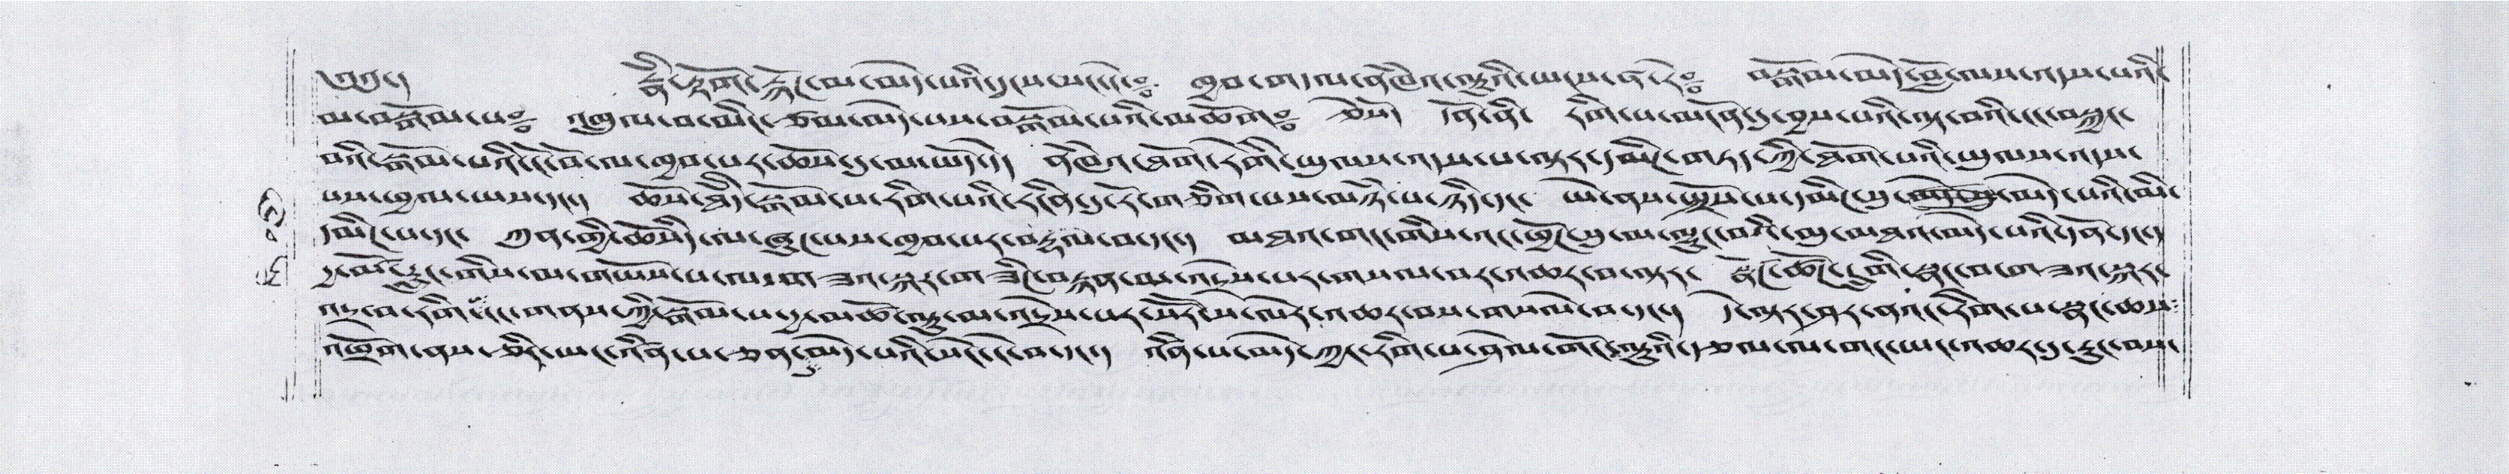རྣམ་རྟོག་རྙོག་མ་མེད་པའི་དྭངས་སང་ངེཿ ཁྱབ་གདལ་ནམ་མཁའ་ལྟ་བུའི་ཡངས་ཧ་རེཿ བསྒོམ་མེད་བློ་ལས་འདས་པའི་
མ་བསྒོམ་པཿ འཁྲུལ་པ་མིང་ཙམ་མེད་པས་བསྒོམ་པའི་མཆོགཿ ཅེས་སོ། རིག་པ་མངོན་དུ་བྱས་པའི་ལྟ་བའི་ངང་བསྐྱང་
བའི་སྒོམ་པའི་ངོ་བོ་ལ་ཁྱབ་པར་ཆོས་དུ་མ་ཡོད་དེ། ནམ་མཁའ་ཐོག་རེག་གི་ཡུལ་ལས་འདས་པ་ལྟར་དམིགས་གཏད་ཀྱི་ཐོགས་པའི་ཡུལ་ལས་འདས་
པས་ཕྱལ་ཡས་དང་། ཆོས་ཐམས་ཅད་སྒོམ་པ་རིག་པའི་རང་བཞིན་དུ་རོ་གཅིག་པས་མཉམ་པ་ཉིད་དང་། ཡེ་ནས་སྤྲོས་པ་དམིགས་སུ་མེད་པས་མི་
དམིགས་པ་དང་། ཀུན་གྱི་ཆོས་ཉིད་ལ་ཞུགས་པས་ཁྱབ་པར་བརྡལ་བ་དང་། མཐའ་གང་གིའང་ཕྱོགས་སུ་མ་ལྷུང་བས་མུ་མཐའ་མེད་པའི་དོན་དང་། 
རྒྱ་མཚོ་རླུང་གིས་མ་གཡོས་པ་ལ་གཟའ་སྐར་གཟུགས་བརྙན་མ་འདྲེས་པ་གསལ་བར་འཆར་བ་ལྟར་སྣ་ཚོགས་ཚོགས་དྲུག་གི་སྣང་བ་གཟའ་སྐར་
འདྲ་བ་རིག་པ་ངང་གནས་ཀྱི་སྒོམ་པ་རྒྱ་མཚོ་ལྟ་བུ་མ་འདྲེས་པར་སོ་སོར་ས་ལེར་འཆར་བས་གསལ་ལེ་བ་དང་། དེ་ལྟར་ཤར་ནའང་རིག་པ་སྣང་ཆས་
འཕྲོག་ནས་ཅིར་ཡང་འཛིན་པ་ཅན་དུ་མེད་པས་སེང་ངེ་བ་དང་། འཛིན་པ་མེད་ཀྱང་རིག་པ་ཤེལ་གོང་ལྟ་བུའི་རྩལ་ལ་གང་ཡང་འཆར་དུ་རུང་བས་